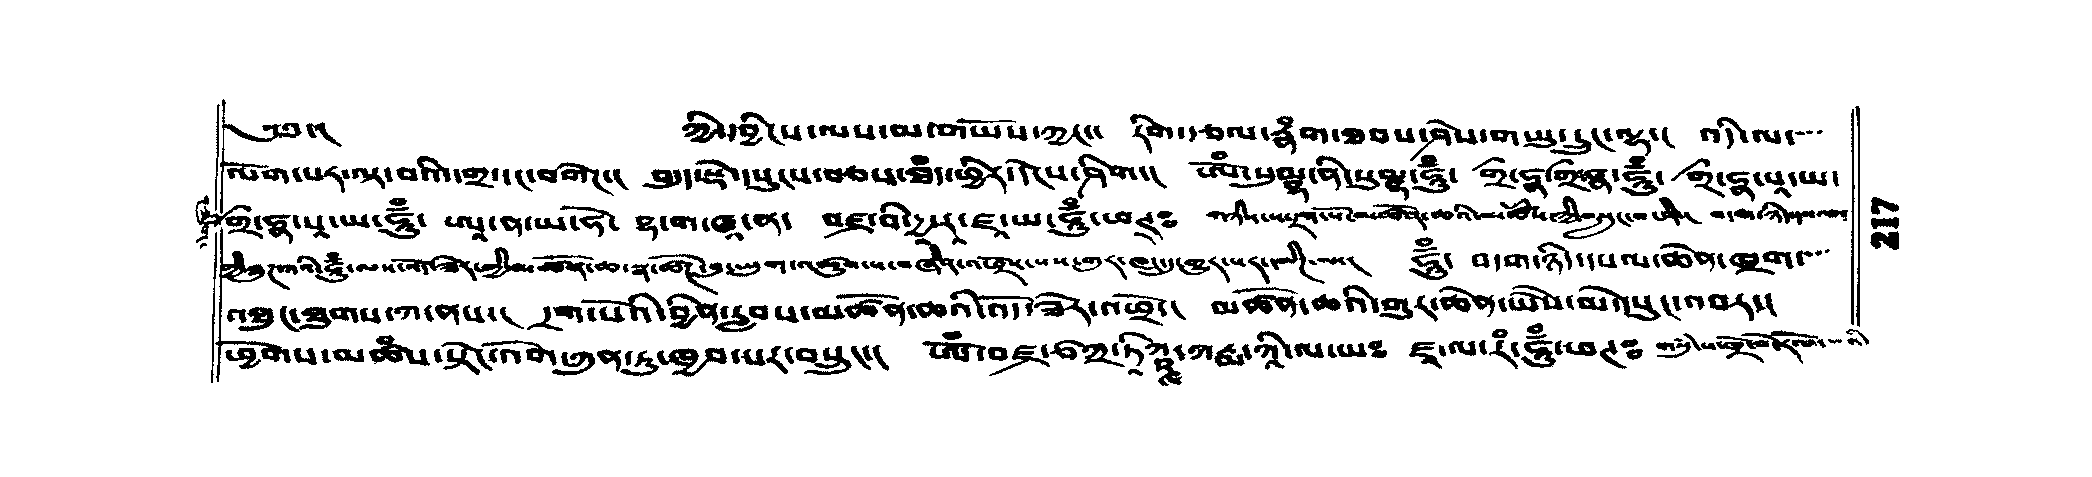ཀྱི་དབྱིངས་ལས་མ་གཡོས་ཀྱང་། །རིག་རྩལ་རྣམ་དག་ཐབས་ཤེས་གཡུང་དྲུང་ལྷ། ། འདི་ལ་
ལོག་པར་ལྟ་བའི་དགྲ་དག་བགེགས། །བདུད་སྡེ་དཔུང་བཅས་ཐམས་ཅད་ཕྱིར་དེངས་ཤིག་ཨོཾ་སུམྦྷ་ནི་སུམྦྷ་ནི་ཧཱུྃ། གྲྀ་ཧྣ་གྲྀ་ཧྣ་ཧཱུྃ། གྲྀ་ཧྣ་པཱ་ཡ་
གྲྀ་ཧ་ན་པཱ་ཡ་ཧཱུྃ། ཨཱ་ན་ཡ་ཧོ། བྷ་ག་ཝཱ་ན། བཛྲ་བིདྱ་རཱ་ཛཱ་ཧཱུྃ་ཕཊཿ གཉིས་པ་དྲག་པོ་མཚོན་ཆའི་མཚམས་ཀྱི་བསྲུང་བ་ནི། བདག་ཉིད་དཔལ་
ཀྱི་ཐུགས་ཀའི་ཧཱུྃ་ལས་འོད་ཟེར་གྱི་མཚོན་ཆ་སྣ་ཚོགས་བུ་ཡུག་འཚུབ་པ་བཞིན་འཕྲོས་པས་གུར་ཁང་དུ་གྱུར་པར་དམིགས་ལ།ཧཱུྃ། བདག་ཉིད་དཔལ་ཆེན་ཁྲག་
འཐུང་ཐུགས་ཀ་ནས། །དྲག་པོའི་བྱིན་རླབས་མཚོན་ཆའི་འོད་ཟེར་འཕྲོ། །མཚོན་ཆའི་གུར་ཆེན་ཡེ་ཤེས་མེ་དཔུང་འབར། །
ཕྱོགས་མཚམས་སྟེང་འོག་ཀུན་ཏུ་ཁྱབ་པར་བསྲུང་། །ཨོཾབཛྲ་ཙཀྲ་ཏཱིཀརཎ་ཀརྨ་ཀཱི་ལ་ཡཿ ཛྭ་ལ་རཾ་ཧཱུྃ་ཕཊཿ གསུམ་པ་ཁྲོ་བོ་རོལ་